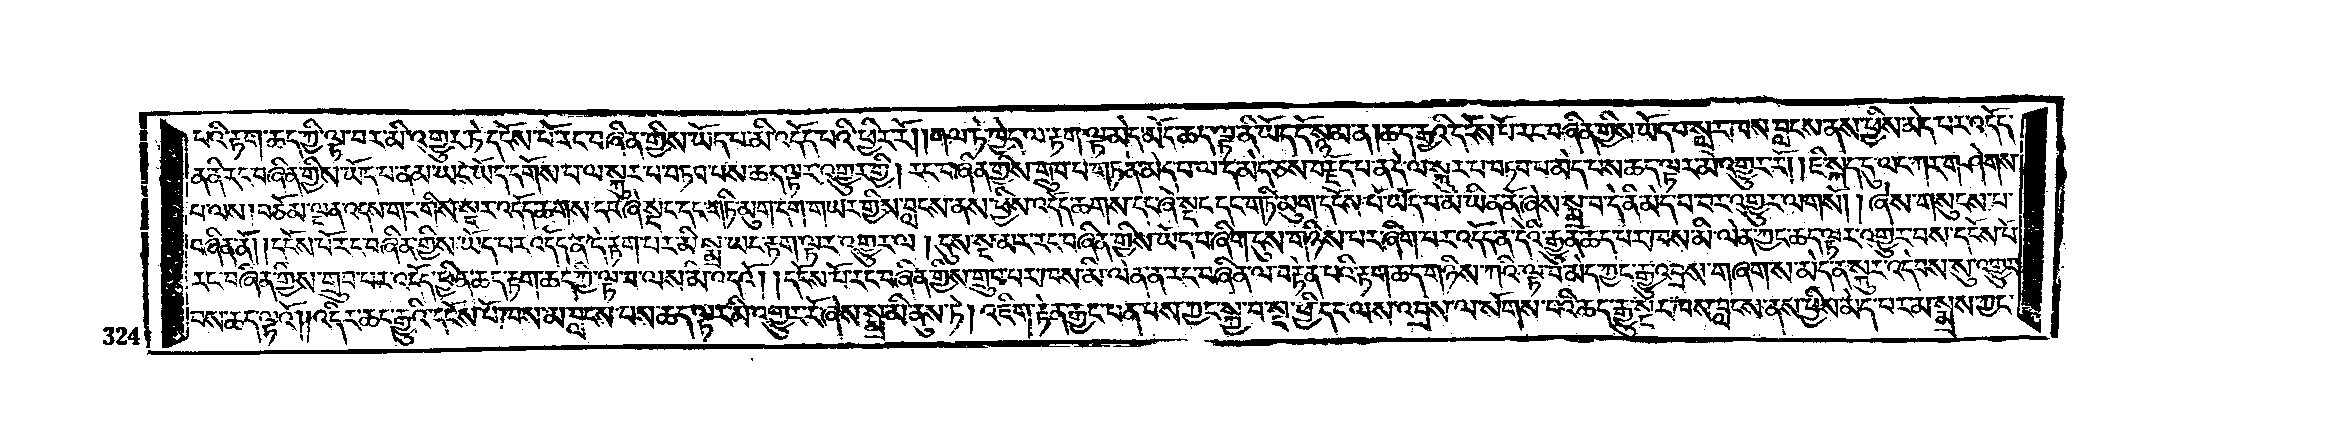པའི་རྟག་ཆད་ཀྱི་ལྟ་བར་མི་འགྱུར་ཏེ་དངོས་པོ་རང་བཞིན་གྱིས་ཡོད་པ་མི་འདོད་པའི་ཕྱིར་རོ། །གལ་ཏེ་ཁྱེད་ལ་རྟག་ལྟ་མེད་མོད་ཆད་ལྟ་ནི་ཡོད་དོ་སྙམ་ན། ཆད་རྒྱའི་དངོས་པོ་རང་བཞིན་གྱིས་ཡོད་པ་སྔར་ཁས་བླངས་ནས་ཕྱིས་མེད་པར་འདོད་
ན་ནི་རང་བཞིན་གྱིས་ཡོད་པ་ནམ་ཡང་ཡོད་དགོས་པ་ལ་སྐུར་པ་བཏབ་པས་ཆད་ལྟར་འགྱུར་གྱི། རང་བཞིན་གྱིས་གྲུབ་པ་གཏན་མེད་པ་ལ་དེ་མེད་ཅེས་བརྗོད་པ་ན་དེ་ལ་སྐུར་བ་བཏབ་པ་མེད་པས་ཆད་ལྟར་མི་འགྱུར་རོ། །ཇི་སྐད་དུ་ལང་ཀར་གཤེགས་
པ་ལས། བཅོམ་ལྡན་འདས་གང་གིས་སྔར་འདོད་ཆགས་དང་ཞེ་སྡང་དང་གཏི་མུག་དག་གཡར་གྱིས་བླངས་ནས་ཕྱིས་འདོད་ཆགས་དང་ཞེ་སྡང་དང་གཏི་མུག་དངོས་པོ་ཡོད་པ་མ་ཡིན་ནོ་ཞེས་སྨྲ་བ་དེ་ནི་མེད་པ་པར་འགྱུར་ལགསོ། །ཞེས་གསུངས་པ་
བཞིན་ནོ། །དངོས་པོ་རང་བཞིན་གྱིས་ཡོད་པར་འདོད་ན་དེ་རྟག་པར་མི་སྨྲ་ཡང་རྟག་ལྟར་འགྱུར་ལ། དུས་སྔ་མར་རང་བཞིན་གྱིས་ཡོད་པ་ཞིག་དུས་གཉིས་པར་ཞིག་པར་འདོད་ན་དེའི་རྒྱུན་ཆད་པར་ཁས་མི་ལེན་ཀྱང་ཆད་ལྟར་འགྱུར་བས་དངོས་པོ་
རང་བཞིན་གྱིས་གྲུབ་པར་འདོད་ཕྱིན་ཆད་རྟག་ཆད་ཀྱི་ལྟ་བ་ལས་མི་འདའོ། །དངོས་པོ་རང་བཞིན་གྱིས་གྲུབ་པར་ཁས་མི་ལེན་ན་རང་བཞིན་ལ་བརྟེན་པའི་རྟག་ཆད་གཉིས་ཀའི་ལྟ་བ་མེད་ཀྱང་རྒྱུ་འབྲས་གཞག་ས་མེད་ན་སྐུར་འདེབས་སུ་འགྱུར་
བས་ཆད་ལྟའོ། །འདིར་ཆད་རྒྱུའི་དངོས་པོ་ཁས་མ་བླངས་བས་ཆད་ལྟར་མི་འགྱུར་རོ་ཞེས་སྨྲ་མི་ནུས་ཏེ། འཇིག་རྟེན་རྒྱང་བན་པས་ཀྱང་སྐྱེ་བ་སྔ་ཕྱི་དང་ལས་འབྲས་ལ་སོགས་པའི་ཆད་རྒྱུ་སྔར་ཁས་བླངས་ནས་ཕྱིས་མེད་པར་མ་སྨྲས་ཀྱང་